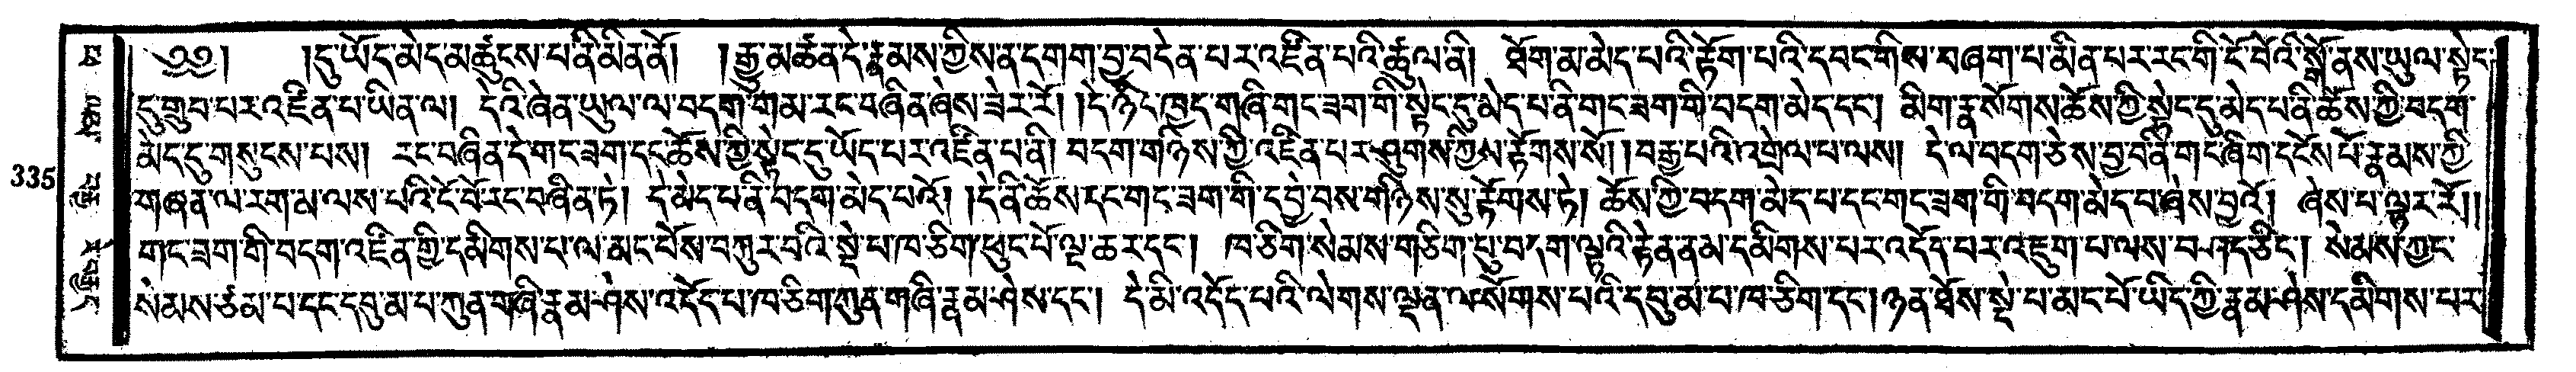༄༅། །དུ་ཡོད་མེད་མཚུངས་པ་ནི་མིན་ནོ། །རྒྱུ་མཚན་དེ་རྣམས་ཀྱིས་ན་དགག་བྱ་བདེན་པར་འཛིན་པའི་ཚུལ་ནི། ཐོག་མ་མེད་པའི་རྟོག་པའི་དབང་གིས་བཞག་པ་མིན་པ་རང་གི་ངོ་བོའི་སྒོ་ནས་ཡུལ་སྟེང་
དུ་གྲུབ་པར་འཛིན་པ་ཡིན་ལ། དེའི་ཞེན་ཡུལ་ལ་བདག་གམ་རང་བཞིན་ཞེས་ཟེར་རོ། །དེ་ཉིད་ཁྱད་གཞི་གང་ཟག་གི་སྟེང་དུ་མེད་པ་ནི་གང་ཟག་གི་བདག་མེད་དང་། མིག་རྣ་སོགས་ཆོས་ཀྱི་སྟེང་དུ་མེད་པ་ནི་ཆོས་ཀྱི་བདག་
མེད་དུ་གསུངས་བས། རང་བཞིན་དེ་གང་ཟག་དང་ཆོས་ཀྱི་སྟེང་དུ་ཡོད་པར་འཛིན་པ་ནི། བདག་གཉིས་ཀྱི་འཛིན་པར་ཤུགས་ཀྱིས་རྟོགས་སོ། །བརྒྱ་པའི་འགྲེལ་པ་ལས། དེ་ལ་བདག་ཅེས་བྱ་བ་ནི་གང་ཞིག་དངོས་པོ་རྣམས་ཀྱི་
གཞན་ལ་རག་མ་ལས་པའི་ངོ་བོ་རང་བཞིན་ཏེ། དེ་མེད་པ་ནི་བདག་མེད་པའོ། །དེ་ནི་ཆོས་དང་གང་ཟག་གི་དབྱེ་བས་གཉིས་སུ་རྟོགས་ཏེ། ཆོས་ཀྱི་བདག་མེད་པ་དང་གང་ཟག་གི་བདག་མེད་བ་ཞེས་བྱའོ། །ཞེས་པ་ལྟར་རོ།།
གང་ཟག་གི་བདག་འཛིན་གྱི་དམིགས་པ་ལ་མང་པོས་བཀུར་བའི་སྡེ་བ་ཁ་ཅིག་ཕུང་པོ་ལྔ་ཆར་དང་། ཁ་ཅིག་སེམས་གཅིག་པུ་བདག་ལྟའི་རྟེན་ནམ་དམིགས་པར་འདོད་པར་འཇུག་པ་ལས་བཤད་ཅིང་། སེམས་ཀྱང་
སེམས་ཙམ་པ་དང་དབུ་མ་པ་ཀུན་གཞི་རྣམ་ཤེས་འདོད་པ་ཁ་ཅིག་ཀུན་གཞི་རྣམ་ཤེས་དང་། དེ་མི་འདོད་པའི་ལེགས་ལྡན་ལ་སོགས་པའི་དབུ་མ་པ་ཁ་ཅིག་དང་། ཉན་ཐོས་སྡེ་པ་མང་པོ་ཡིད་ཀྱི་རྣམ་ཤེས་དམིགས་པར་